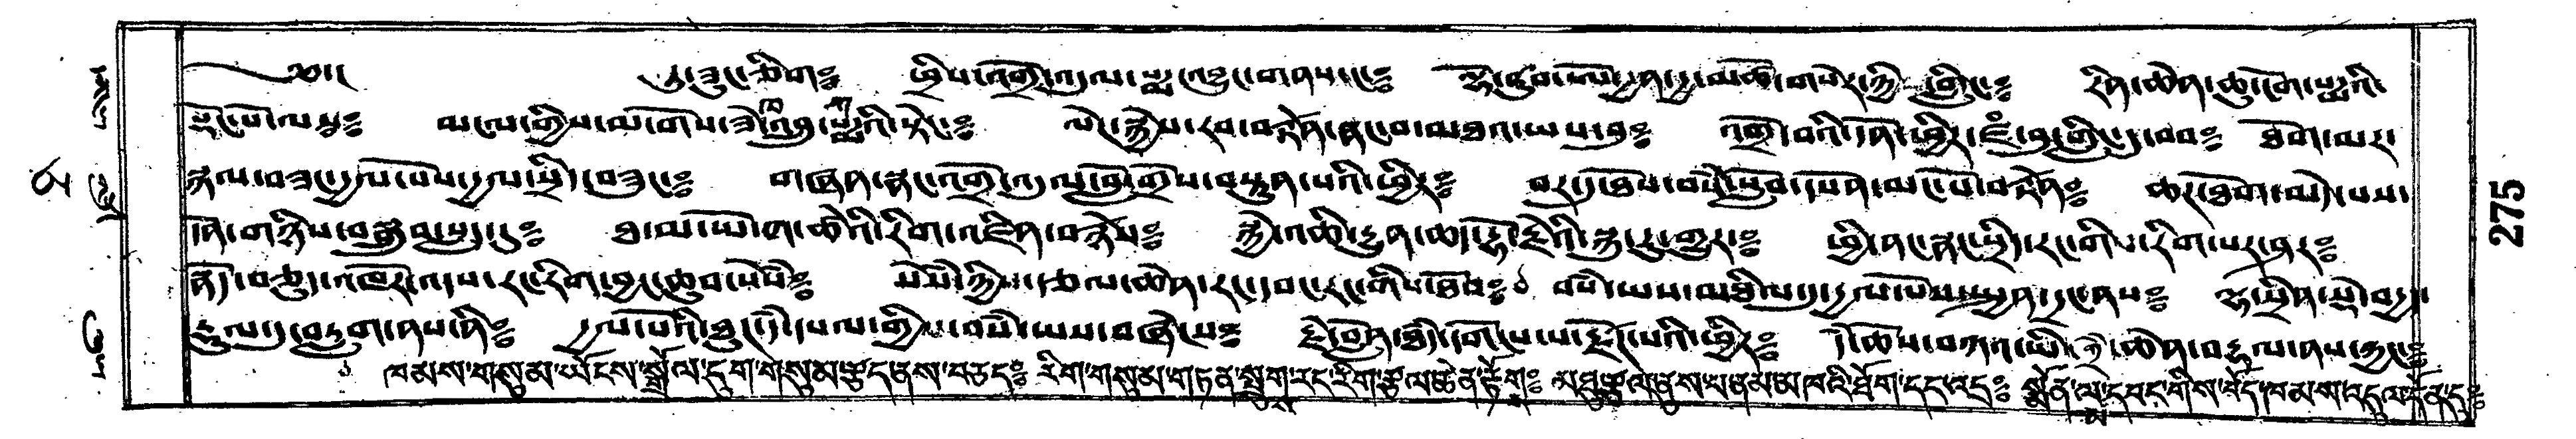རུ་ཟུངས་ཤིག༔ ཕྲིན་ལས་འགྲོ་འདུལ་པདྨ་འབྱུང་གནས་ང༔ ལྷོ་ནུབ་ཨོ་རྒྱན་རྒྱ་མཚོ་གསེར་གྱི་གླིང༔ རིན་ཆེན་ཆུ་ངོགས་པདྨའི་
སྡོང་པོ་ལས༔ མངལ་གྱིས་མ་གོས་ཟོ་ཁ་འབྲུ་པདྨའི་སྟེང༔ ལེགས་སྐྱེས་རབ་བརྟེན་སྣང་བ་མཐའ་ཡས་བུ༔ འགྲོ་བའི་དོན་ཕྱིར་འཛམ་བུ་གླིང་དུ་བབས་༔ ཐོག་མར་
སྐལ་བཟང་རྒྱལ་པོས་རྒྱལ་སྲིད་བཟུང༔ གཞན་སྣང་འགྲོ་འདུལ་བློ་གྲོས་བརྟུལ་པའི་ཕྱིར༔ བར་དུ་ཐོས་བསམ་སློབ་དཔོན་མང་པོ་བསྟེན༔ ཆགས་ཐོགས་མེད་པར་
དོན་གཉིས་བསྒྲུབ་སླད་དུ༔ མཐའ་མ་ཡོ་ག་ཚེའི་རིག་འཛིན་བརྙེས༔ སྐྱེ་འཆི་རྒྱུན་ཆད་རྡོ་རྗེའི་སྐུ་རུ་གྱུར༔ ཕྱི་ནང་སྣང་སྲིད་རང་གི་རིག་པར་ཤར༔ 
སྣོད་བཅུད་འཁོར་འདས་རང་རིག་བྱང་ཆུབ་སེམས༔ སེམས་ཀྱིས་རྩལ་ཆེན་རང་དབང་རང་གིས་ཐོབ༔ ཁམས་གསུམ་ཡོངས་སྒྲོལ་དུག་གསུམ་རྩད་ནས་བཅད༔ སྲིད་གསུམ་གཏན་སྤྲུགས་རང་རིག་རྩལ་ཆེན་རྫོགས༔ མཐུ་རྩལ་ནུས་པ་ནམ་མཁའི་ཐོག་དང་འདྲ༔ སྨོན་ལམ་དབང་གིས་བོད་ཁམས་འདུལ་དོན་དུ༔ བསམ་ཡས་མཐིལ་དུ་རྒྱལ་པོས་སྤྱན་དྲངས་ནས༔ ལྷ་སྲིན་སྡེ་བརྒྱད་
བརྡུལ་དུ་བརླགས་ནས་ནི༔ རྒྱལ་པོའི་ཐུགས་དམ་དཔལ་གྱིས་བསམ་ཡས་བཞེངས༔ རྗེ་བློན་ཐམས་ཅད་དགོངས་པ་རྫོགས་པའི་ཕྱིར༔ དམ་ཆོས་བཀའ་ཡི་གྲམ་ཆེན་བརྡལ་ནས་ཀྱང༔